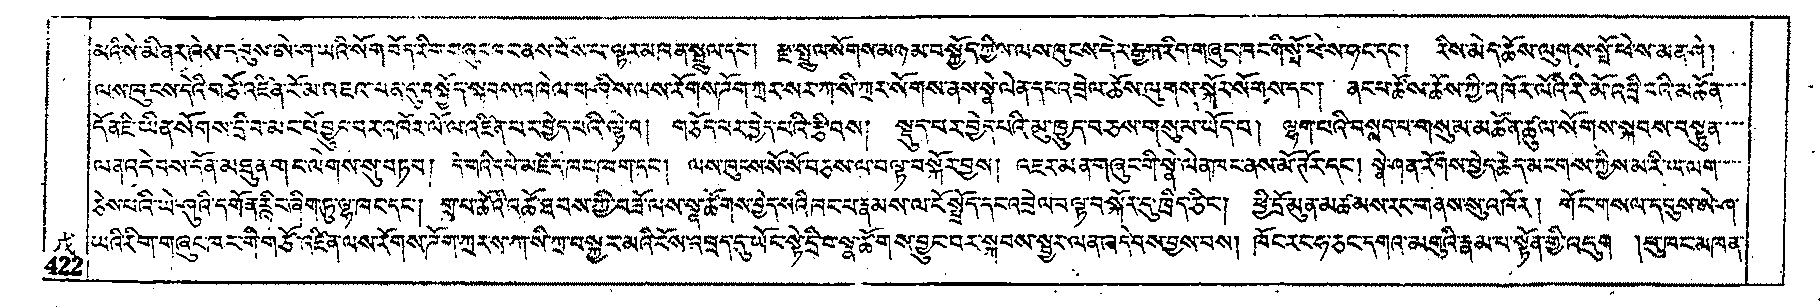མའི་སེ་མི་ནར་ཞེས་དབུས་ཨེ་ཤ་ཡའི་སོག་བོད་རིག་གཞུང་ཁང་ནས་བོས་པ་ལྟར་མཁན་སྤྲུལ་དང་། རྫ་སྤྲུལ་སོགས་མཉམ་བསྐྱོད་ཀྱིས་ལས་ཁུངས་དེར་རྒྱ་གར་རིག་གཞུང་ཁང་གི་སྤོ་ཕེ་ས་ཧང་དང་། རིས་མེད་ཆོས་ལུགས་སྤོ་ཕེ་ས་མན་ཤེ།
ལས་ཁུངས་དེའི་གཙོ་འཛིན་ངོ་མ་འཇའ་པན་དུ་བསྐྱོད་སྐབས་འཁེལ་གཤིས་ལས་རོགས་ཌོག་ཀྲར་སར་ཀ་སི་ཀྲར་སོགས་ནས་སྣེ་ལེན་དང་འབྲེལ་ཆོས་ལུགས་སྐོར་སོགས་དང་། ནང་པ་ཚོས་ཆོས་ཀྱི་འཁོར་ལོའི་རི་མོ་འབྲི་བའི་མཚོན་
དོན་ཇི་ཡིན་སོགས་དྲི་བ་མང་པོ་བྱུང་བར་འཁོར་ལོ་ལ་འཛིན་པར་བྱེད་པའི་ལྟེ་བ། བཅོད་པར་བྱེད་པའི་རྩི་བས། སྡུད་པར་བྱེད་པའི་མུ་ཁྱུད་བཅས་གསུམ་ཡོད་པ། ལྷག་པའི་བསླབ་པ་གསུམ་མཚོན་ཚུལ་སོགས་སྐབས་བསྟུན་
ལན་འདེབས་དོན་མཐུན་གང་ལེགས་སུ་བཏབ། དེ་གའི་དཔེ་མཛོད་ཁང་ཁག་དང་། ལས་ཁུངས་སོ་སོ་བཅས་ལ་བལྟ་བསྐོར་བྱས། འཇར་མན་གཞུང་གི་སྣེ་ལེན་ཁང་ནས་མོ་ཊོར་དང་། སྣེ་ཤན་རོགས་བྱེད་ཆེད་མངགས་ཀྱིས་མ་རི་ཡ་ལག་
ཅེས་པའི་ཡེ་ཤུའི་དགོན་རྙིང་ཞིག་ཏུ་ལྷ་ཁང་དང་། གྲྭ་པ་ཚོའི་འཚོ་ཐབས་ཀྱི་བཟོ་ལས་སྣ་ཚོགས་བྱེད་སའི་ཁང་པ་རྣམས་ལ་ངོ་སྤྲོད་དང་འབྲེལ་བལྟ་བསྐོར་དུ་ཁྲིད་ཅིང་། ཕྱི་དྲོ་མུན་མཚམས་རང་གནས་སུ་འཁོར། གོང་གསལ་དབུས་ཨེ་ཤ་
ཡའི་རིག་གཤུང་ཁང་གི་གཙོ་འཛིན་ལས་རོགས་ཌ྾ག་ཀྲར་ས་ཀ་སི་ཀྲ་བསྐྱར་མའི་ངོས་འཕྲད་དུ་ཡོང་སྟེ་དྲི་བ་སྣ་ཚོགས་བྱུང་བར་སྐབས་སྦྱར་ལན་འདེབས་བྱས་པས། ཁོང་རང་ཧ་ཅང་དགའ་མགུའི་རྣམ་པ་སྟོན་གྱི་འདུག །ཕུ་ཁང་མཁན་